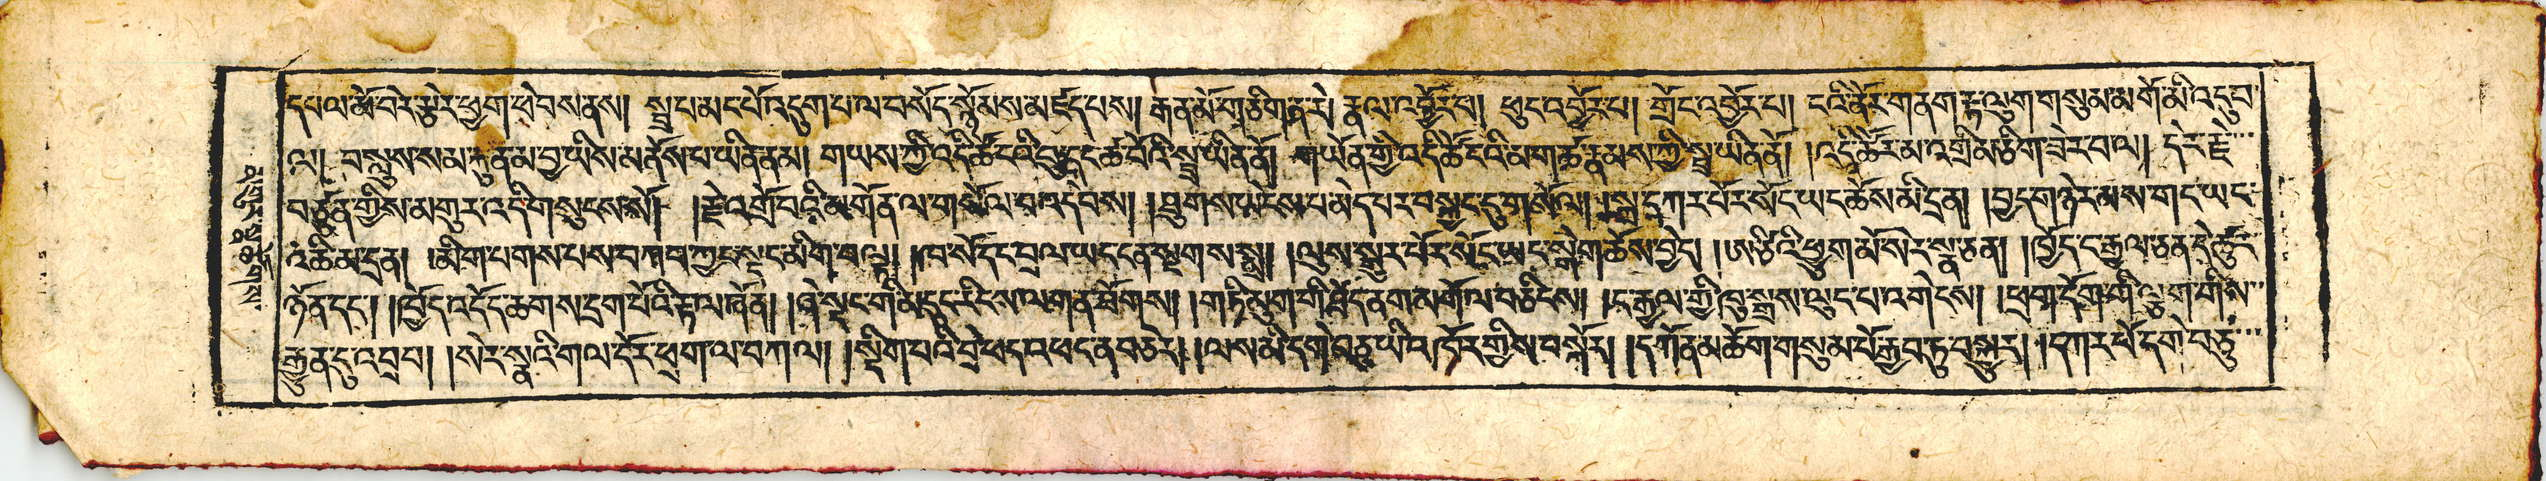དཔལ་མོ་བེར་རྩེར་ཕྱག་ཕེབས་ནས། སྦྲ་པ་མང་པོ་འདུག་པ་ལ་བསོད་སྙོམས་མཛད་པས། རྒན་མོ་གཅིག་ན་རེ། རྣལ་འབྱོར་བ། ཕུང་འབྱོར་པ། གྲོང་འབྱོར་པ། ངའི་ནོར་གནག་རྟ་ལུག་གསུམ་མགོ་མི་འདུ་བ་
ལ། བསླུས་སམ་རྐུན་མ་བྱ་ཡིས་མནོས་པ་ཡིན་ནམ། གཡས་ཀྱི་འདི་ཚོ་ངའི་བུ་དང་ཚ་བོའི་སྦྲ་ཡིན་ནོ། གཡོན་གྱི་འདི་ཚོ་ངའི་མག་ཚ་རྣམས་ཀྱི་སྦྲ་ཡིན་ནོ། །འདི་ཚོར་མ་འགྲིམས་ཅིག་ཟེར་བ་ལ། དེར་རྗེ་
བཙུན་གྱིས་མགུར་འདི་གསུངས་སོ། །རྗེ་འགྲོ་བའི་མགོན་ལ་གསོལ་བའདིབས། །ཐུགས་ཡེངས་པ་མེད་པར་བསྐྱང་དུགསོལ། །སྐྲ་དཀར་པོར་སོང་ཡང་ཆོས་མ་དྲན། །བྱད་གཉེར་མས་གང་ཡང་
འཆི་མ་དྲན། མིག་པགས་པས་བཀབ་ཀྱང་སྡང་མིག་བལྟ། །ཁ་སོ་དང་བྲལ་ཡང་ངན་སྔགས་སྨྲ། །ལུས་སྒུར་པོར་སོང་ཡང་སྒེག་ཆོས་བྱེད། །ཨ་ཙིའི་ཕྱུག་མོ་སེར་སྣ་ཅན། །ཁྱོད་ང་རྒྱལ་ཅན་དེ་ཚུར་
ཉོན་དང་། །ཁྱོད་འདོད་ཆགས་དྲག་པོའི་རྟ་ལ་ཞོན། །ཞེ་སྡང་གི་མདུང་རིངས་ལག་ན་ཐོགས། །གཏི་མུག་གི་ཐོད་ནག་མགོ་ལ་བཅིངས། །ང་རྒྱལ་གྱི་ཁུ་སྒྲས་ལུང་པ་འགེངས། །ཕྲག་དོག་གི་ལྕག་གིས་
རྒྱུན་དུ་འབྲབ། །སེར་སྣའི་གལ་དོར་ཕྲག་ལ་བཀལ། །སྡིག་པའི་བྲེ་ཕད་འཕང་ནབཅེར། ལས་མི་དགེ་བཅུ་ཡི་འཁོར་གྱིས་བསྐོར། །དཀོན་མཆོག་གསུམ་པོ་རྒྱབ་ཏུ་བསྐྱུར། །དཀར་པོ་དགེ་བཅུ་